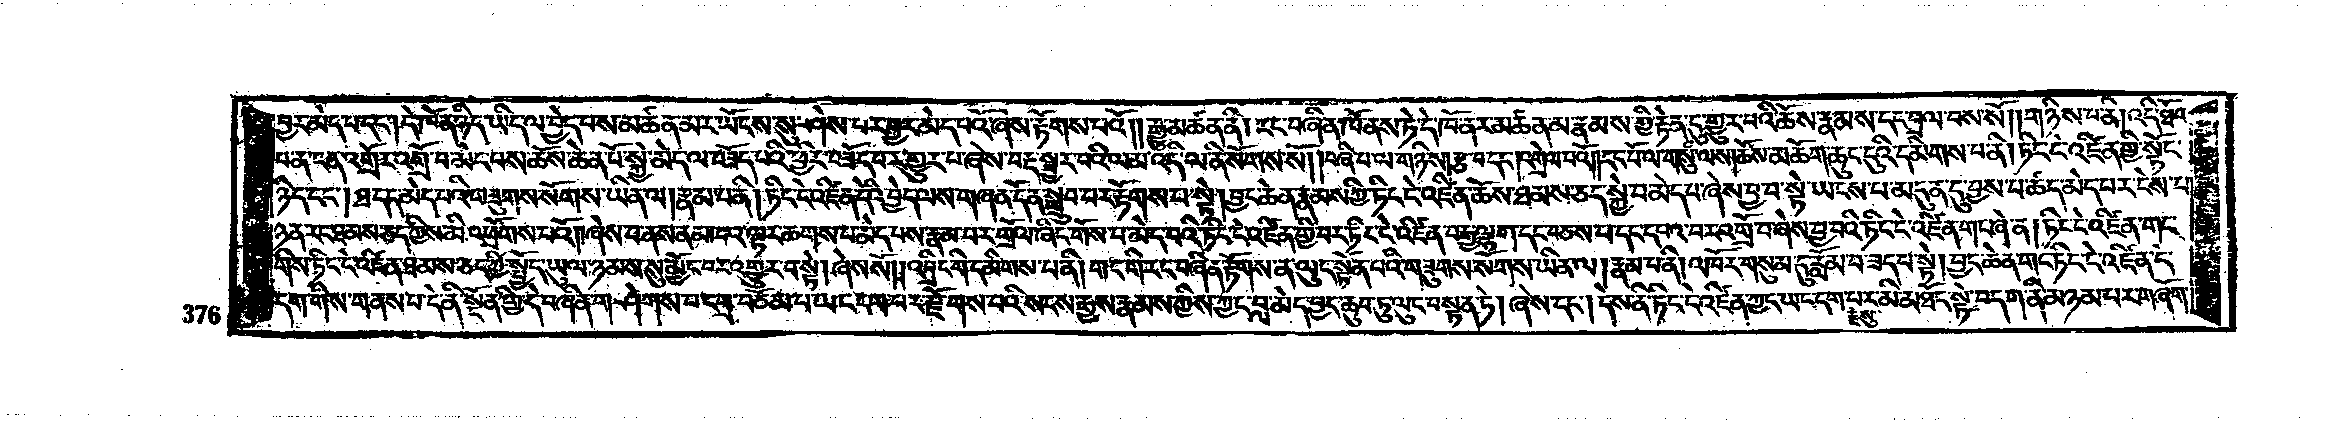བྱར་མེད་པ་དང་། དེ་ཁོ་ན་ཉིད་ཡིད་ལ་བྱེད་པས་མཚན་མར་ཡོངས་སུ་ཤེས་པར་བྱར་མེད་པའོ་ཞེས་རྟོགས་པའོ། །རྒྱུ་མཚན་ནི། རང་བཞིན་ཁོ་ནས་ཏེ་དེ་ཁོ་ནར་མཚན་མ་རྣམས་ཀྱི་རྟེན་དུ་གྱུར་པའི་ཆོས་རྣམས་དང་བྲལ་བས་སོ། །གཉིས་པ་ནི། འདི་ཐོབ་
པ་ན་ངན་འགྲོར་འགྲོ་བ་མེད་པས་ཆོས་ཆེན་པོ་སྐྱེ་མེད་ལ་བཟོད་པའི་ཕྱིར་བཟོད་པར་གྱུར་པ་ཞེས་བརྡ་སྦྱར་བའི་ལམ་འདི་ལ་ནི་སོགས་སོ། །བཞི་པ་ལ་གཉིས། རྩ་བ་དང་། འགྲེལ་པའོ། །དང་པོ་ལ་གསུམ་ལས། ཆོས་མཆོག་ཆུང་ངུའི་དམིགས་པ་ནི། ཏིང་ངེ་འཛིན་གྱི་སྟོང་
ཉིད་དང་། ཐ་དད་མེད་པའི་གཟུགས་སོགས་ཡིན་ལ། རྣམ་པ་ནི། ཏིང་ངེ་འཛིན་དེའི་བྱེད་ལས་གཞན་དོན་སྒྲུབ་པར་རྟོགས་པ་སྟེ། བྱང་ཆེན་རྣམས་ཀྱི་ཏིང་ངེ་འཛིན་ཆོས་ཐམས་ཅད་སྐྱེ་བ་མེད་པ་ཞེས་བྱ་བ་སྟེ་ཡངས་པ་མདུན་དུ་བྱས་པ་ཚད་མེད་པར་ངེས་པ་
ཉན་རང་ཐམས་ཅད་ཀྱིས་མི་འཕྲོགས་པའོ། །ཞེས་པ་ནས་ནམ་མཁའ་ལྟར་ཆགས་པ་མེད་པས་རྣམ་པར་གྲོལ་ཞིང་གོས་པ་མེད་པའི་ཏིང་ངེ་འཛིན་གྱི་བར་ཏིང་ངེ་འཛིན་བརྒྱ་ལྷག་དང་བཅས་པ་དང་དཔའ་བར་འགྲོ་བ་ཞེས་བྱ་བའི་ཏིང་ངེ་འཛིན་གང་ཞེ་ན། ཏིང་ངེ་འཛིན་གང་
གིས་ཏིང་ངེ་འཛིན་ཐམས་ཅད་ཀྱི་སྤྱོད་ཡུལ་ཉམས་སུ་མྱོང་བར་འགྱུར་བ་སྟེ། ཞེས་སོ། །འབྲིང་གི་དམིགས་པ་ནི། གང་གི་རང་བཞིན་རྟོགས་ན་ལུང་སྟོན་པའི་གཟུགས་སོགས་ཡིན་ལ། རྣམ་པ་ནི། འཁོར་གསུམ་དུ་རློམ་པ་ཟད་པ་སྟེ། བྱང་ཆེན་གང་ཏིང་ངེ་འཛིན་དེ་
དག་གིས་གནས་པ་དེ་ནི་སྔོན་གྱི་དེ་བཞིན་གཤེགས་པ་དགྲ་བཅོམ་པ་ཡང་དག་པར་རྫོགས་པའི་སངས་རྒྱས་རྣམས་ཀྱིས་ཀྱང་བླ་མེད་བྱང་ཆུབ་ཏུ་ལུང་བསྟན་ཏེ། ཞེས་དང་། དེས་ནི་ཏིང་ངེ་འཛིན་ཀྱང་ཡང་དག་པར་རྗེས་སུ་མི་མཐོང་སྟེ་བདག་ནི་མཉམ་པར་གཞོག་